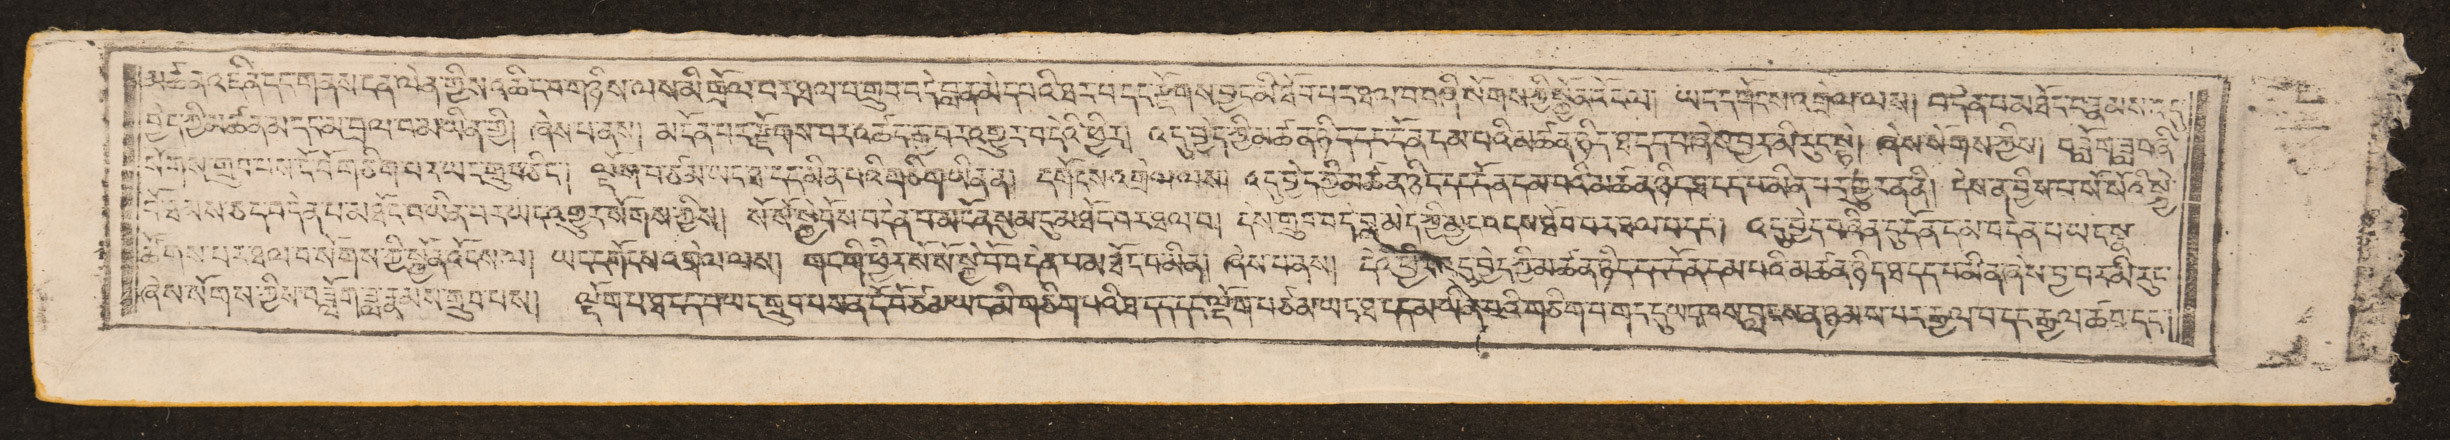མཚན་འཛིན་དང་གནས་ངན་ལེན་གྱིས་འཆིང་བ་གཉིས་ལས་མི་གྲོལ་བར་ཐལ་བ་གྲུབ་བདེ་བླ་ན་མེད་པའི་ཐར་བ་དང་རྫོགས་བྱང་མི་ཐོབ་པར་ཐལ་བ་བཞི་སོགས་ཀྱི་སྐྱོན་འོང་ལ། ཡང་དགོངས་འགྲེལ་ལས། བདེན་པ་མཐོང་བ་རྣམས་འདུ་
བྱེད་ཀྱི་མཚན་མ་དང་མ་བྲལ་བ་མ་ཡིན་གྱི། ཞེས་པ་ནས། མངོན་པར་རྫོགས་པར་འཚང་རྒྱ་བར་འགྱུར་བ་དེའི་ཕྱིར། འདུ་བྱེད་ཀྱི་མཚན་ཉིད་དང་དོན་དམ་པའི་མཚན་ཉིད་ཐ་དད་པ་ཞེས་བྱར་མི་རུང་སྟེ། ཞེས་སོགས་ཀྱིས། བཟློག་ཟླ་བཞི་
སོགས་གྲུབ་པས་ངོ་བོ་གཅིག་པར་ཡང་གྲུབ་ཅིང་། ལྡོག་པ་ཙམ་ཡང་ཐ་དད་མིན་པའི་གཅིག་ཡིན་ན། དགོངས་འགྲེལ་ལས། འདུ་བྱེད་ཀྱི་མཚན་ཉིད་དང་དོན་དམ་པའི་མཚན་ཉིད་ཐ་དད་པ་མིན་པར་གྱུར་ན་ནི། དེས་ན་བྱིས་པ་སོ་སོའི་སྐྱེ་
བོ་ཐམས་ཅད་བདེན་པ་མཐོང་བ་ཡིན་པར་ཡང་འགྱུར་སོགས་ཀྱིས། སོ་སོ་སྐྱེ་བོས་བདེན་པ་མངོན་སུམ་དུ་མཐོང་བར་ཐལ་བ། དེས་གྲུབ་བདེ་བླ་མེད་ཀྱི་མྱང་འདས་ཐོབ་པར་ཐལ་བ་དང་། འདུ་བྱེད་བཞིན་དུ་དོན་དམ་བདེན་པ་ཡང་སྣ་
ཚོགས་པར་ཐལ་བ་སོགས་ཀྱི་སྐྱོན་འོངས་ལ། ཡང་དགོངས་འགྲེལ་ལས། གང་གི་ཕྱིར་སོ་སོ་སྐྱེ་བོ་བདེན་པ་མཐོང་བ་མིན། ཞེས་པ་ནས། དེའི་ཕྱིར་འདུ་བྱེད་ཀྱི་མཚན་ཉིད་དང་དོན་དམ་པའི་མཚན་ཉིད་ཐ་དད་པ་མིན་ཞེས་བྱ་བར་མི་རུང་
ཞེས་སོགས་ཀྱིས་བཟློག་ཟླ་རྣམས་གྲུབ་པས། ལྡོག་པ་ཐ་དད་པ་ཡང་གྲུབ་པས་ན་ངོ་བོ་ཙམ་ཡང་མི་གཅིག་པའི་ཐ་དད་དང་ལྡོག་པ་ཙམ་ཡང་ཐ་དད་མ་ཡིན་པའི་གཅིག་པ་གང་དུ་ལང་ཁས་བླངས་ན་ཉམས་པར་རྒྱལ་བ་དང་རྒྱལ་ཚབ་དང་།